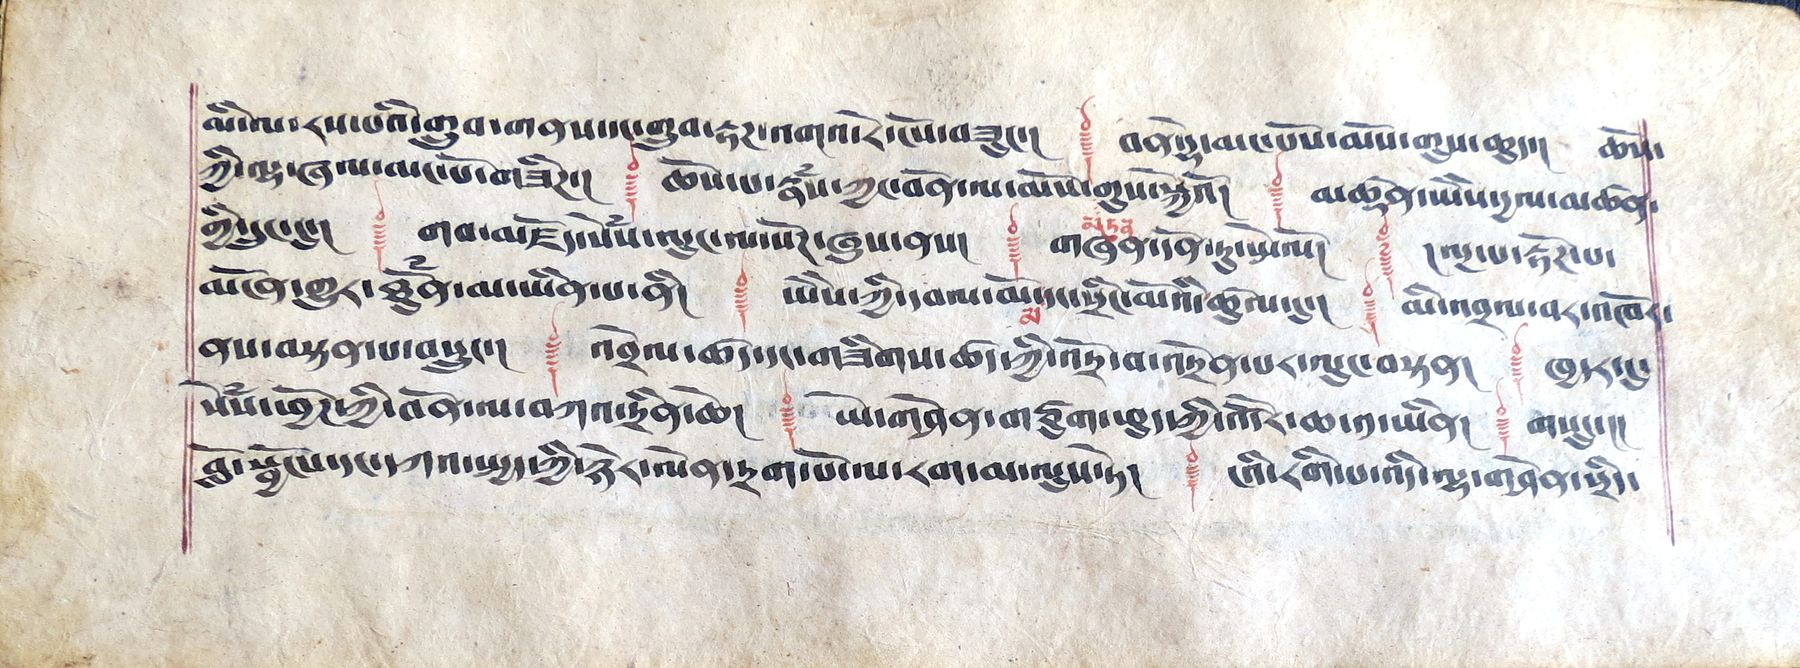མི་ལ་རས་པའི་གྲུབ་གནས་དང་གྲུབ་རྟགས་འགའ་རེ་ངོས་བཟུང་། བན་དྷེ་མང་པོས་མོས་གུས་ཆུད། ཆོས་
པ་རྣམས་ཀྱང་བོན་ལ་མོས་གུས་སྐྱེས་སོ། ། མཚན་ལྡན་ཡེ་ཤེས་རྒྱལ་མཚན་
གྱི་དྲུང་དུ། གབ་མཛོད་སེམས་ལུང་ལས་སོགས་ཞུས་ནས། གཞན་དོན་དུ་སྤེལ་ལོ། ། ལྔ་པ་རྟོགས་པ་
མངོན་གྱུར་ཐུན་མོང་མ་ཡིན་པ་ནི། ཡེ་ཤེས་ཀྱི་དབལ་མོ་མ་དང་སྲིང་མོའི་ཚུལ་དུ། མི་འབྲལ་བར་འཁོར་
ནས་བསྟན་པ་སྲུང་། འབྲེལ་ཚད་དང་གཟིགས་ཚད་ཀྱི་འགྲོ་བ་འདྲེན་པར་ལུང་བསྟན། ཁྱད་པར་དུ་
སེམས་ཕྱོགས་ཀྱི་བོན་ལ་བཀའ་དྲིན་ཆེ། ཡེ་གཤེན་གཙུག་ཕུད་འོད་ཟེར་ཆ་གཅིག་ཡིན་གསུངས། 
བློ་སྦྱོང་དང་དཀའ་སྤྱད་ཀྱི་ཉེར་ལེན་དྲག་པ་ལ་རག་མ་ལུས་ཏེ། ང་ཡི་རིག་པ་འདི་ལྷ་གཤེན་སྲིད་པའི་